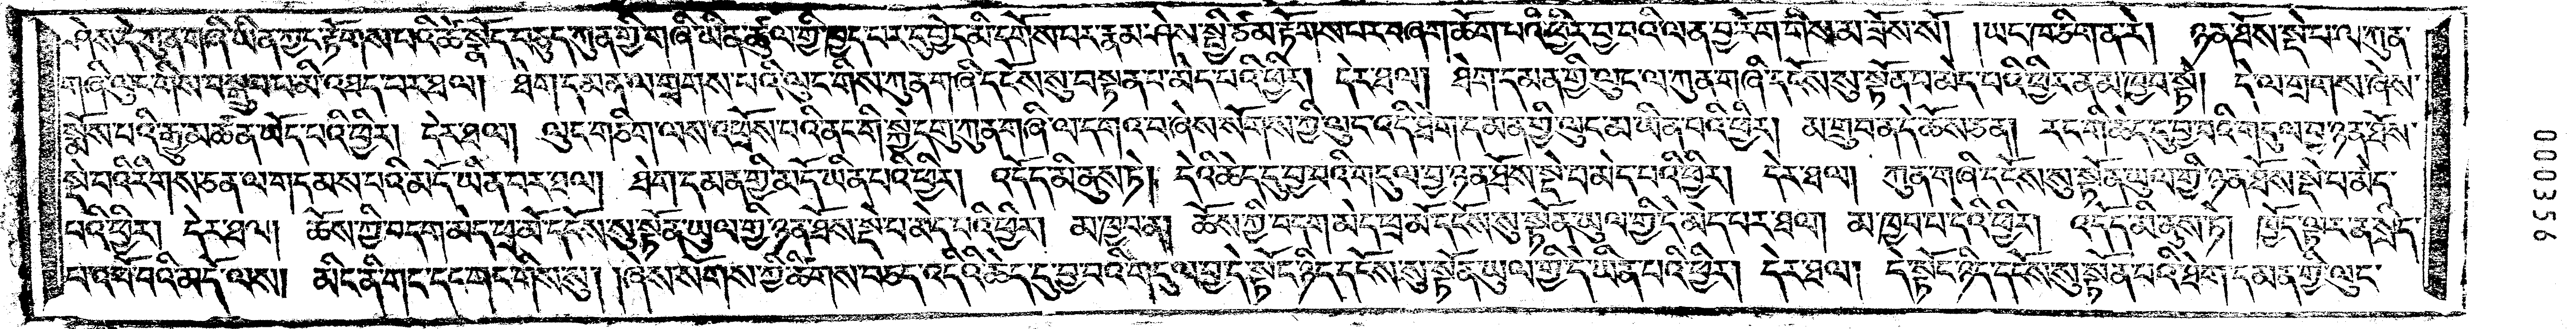ཤེས་དེ་ཀུན་གཞི་ཡིན་ཀྱང་རྟོགས་པའི་ཚེ་སྣོད་བཅུད་ཀུན་གྱི་གཞི་ཡིན་ཚུལ་གྱི་ཁྱད་པར་དུ་བྱེད་མི་དགོས་པར་རྣམ་ཤེས་སྤྱི་ཙམ་རྟོགས་པར་བཞག་ཆོག་པའི་ཕྱིར་བྱ་བའི་ལན་བྱ་རོག་གིས་མ་ཟོས་སོ། །ཡང་ཁ་ཅིག་ན་རེ། ཉན་ཐོས་སྡེ་པ་ལ་ཀུན་
གཞི་ལུང་གིས་བསྒྲུབ་པ་མི་འཐད་པར་ཐལ། ཐེག་དམན་ལ་གྲགས་པའི་ལུང་གིས་ཀུན་གཞི་དངོས་སུ་བསྟན་པ་མེད་པའི་ཕྱིར། དེར་ཐལ། ཐེག་དམན་གྱི་ལུང་ལ་ཀུན་གཞི་དངོས་སུ་སྟོན་པ་མེད་པའི་ཕྱིར་ན་མ་ཁྱབ་སྟེ། དེ་ལ་གྲགས་ཞེས་
སྨོས་པའི་རྒྱུ་མཚན་ཡོད་པའི་ཕྱིར། དེར་ཐལ། ལུང་གཅིག་ལས་འཕྲོས་པའི་ནང་གི་སྐྱེ་དགུ་ཀུན་གཞི་ལ་དགའ་བ་ཞེས་སོགས་ཀྱི་ལུང་འདི་ཐེག་དམན་གྱི་ལུང་མ་ཡིན་པའི་ཕྱིར། མ་གྲུབ་ན་དེ་ཆོས་ཅན། རང་གི་ཆེད་དུ་བྱ་བའི་གདུལ་བྱ་ཉན་ཐོས་
སྡེ་པའི་རིགས་ཅན་ལ་གདམས་པའི་མདོ་ཡིན་པར་ཐལ། ཐེག་དམན་གྱི་མདོ་ཡིན་པའི་ཕྱིར། འདོད་མི་ནུས་ཏེ། དེའི་ཆེད་དུ་བྱ་བའི་གདུལ་བྱ་ཉན་ཐོས་སྡེ་བ་མེད་པའི་ཕྱིར། དེར་ཐལ། ཀུན་གཞི་དངོས་སུ་སྟོན་ཡུལ་གྱི་ཉན་ཐོས་སྡེ་པ་མེད་
པའི་ཕྱིར། དེར་ཐལ། ཆོས་ཀྱི་བདག་མེད་ཕྲ་མོ་དངོས་སུ་སྟོན་ཡུལ་གྱི་ཉན་ཐོས་སྡེ་པ་མེད་པའི་ཕྱིར། མ་ཁྱབ་ན། ཆོས་ཀྱི་བདག་མེད་ཕྲ་མོ་དངོས་སུ་སྟོན་ཡུལ་གྱི་དེ་མེད་པར་ཐལ། མ་ཁྱབ་པ་དེའི་ཕྱིར། འདོད་མི་ནུས་ཏེ། ཁྱོད་ལྟར་ན་སྲིད་
པ་འཕོ་བའི་མདོ་ལས། མིང་ནི་གང་དང་གང་གིས་སུ། །ཞེས་སོགས་ཀྱི་ཚིགས་བཅད་འདིའི་ཆེད་དུ་བྱ་བའི་གདུལ་བྱ་དེ་སྟོང་ཉིད་དངོས་སུ་སྟོན་ཡུལ་གྱི་དེ་ཡིན་པའི་ཕྱིར། དེར་ཐལ། དེ་སྟོང་ཉིད་དངོས་སུ་སྟོན་པའི་ཐེག་དམན་གྱི་ལུང་